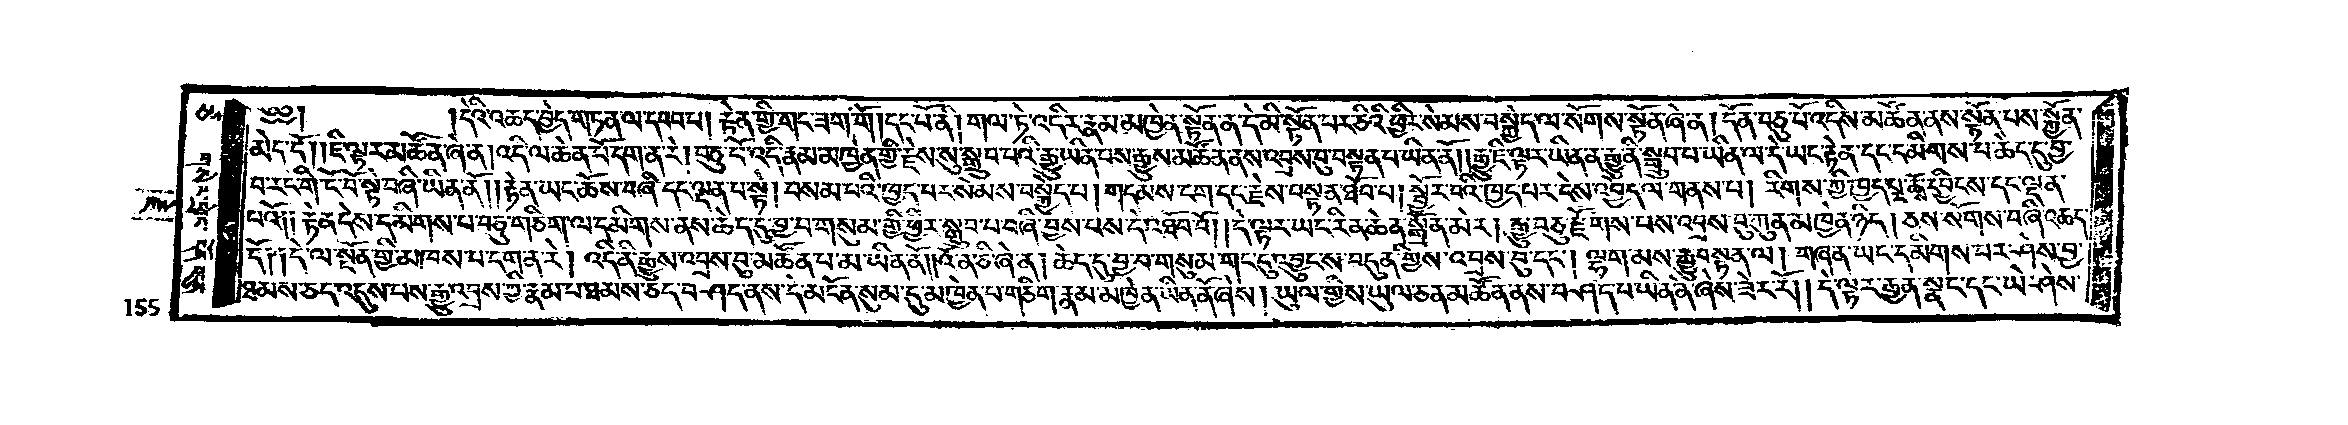༄༅། །དེའི་འཆད་བྱེད་གཏན་ལ་དབབ་པ། རྟེན་གྱི་གང་ཟག་གོ །དང་པོ་ནི། གལ་ཏེ་འདིར་རྣམ་མཁྱེན་སྟོན་ན་དེ་མི་སྟོན་པར་ཅིའི་ཕྱིར་སེམས་བསྐྱེད་ལ་སོགས་སྟོན་ཞེ་ན། དོན་བཅུ་པོ་འདིས་མཚོན་ནས་སྟོན་པས་སྐྱོན་
མེད་དོ། །ཇི་ལྟར་མཚོན་ཞེ་ན། འདི་ལ་ཆེན་པོ་དག་ན་རེ། བཅུ་པོ་འདི་རྣམ་མཁྱེན་གྱི་རྗེས་སུ་སྒྲུབ་པའི་རྒྱུ་ཡིན་པས་རྒྱུས་མཚོན་ནས་འབྲས་བུ་བསྟན་པ་ཡིན་ནོ། །རྒྱུ་ཇི་ལྟར་ཡིན་ན་རྒྱུ་ནི་སྒྲུབ་པ་ཡིན་ལ་དེ་ཡང་རྟེན་དང་དམིགས་པ་ཆེད་དུ་བྱ་
བ་རང་གི་ངོ་བོ་སྟེ་བཞི་ཡིན་ནོ། །རྟེན་ཡང་ཆོས་བཞི་དང་ལྡན་པ་སྟེ། བསམ་པའི་ཁྱད་པར་སེམས་བསྐྱེད་པ། གདམས་ངག་དང་རྗེས་བསྟན་ཐོབ་པ། སྦྱོར་བའི་ཁྱད་པར་ངེས་འབྱེད་ལ་གནས་པ། རིགས་ཀྱི་ཁྱད་པར་ཆོས་དབྱིངས་དང་ལྡན་
པའོ། །རྟེན་དེས་དམིགས་པ་བཅུ་གཅིག་ལ་དམིགས་ནས་ཆེད་དུ་བྱ་བ་གསུམ་གྱི་ཕྱིར་སྒྲུབ་པ་བཞི་བྱས་པས་དེ་འཐོབ་བོ། །དེ་ལྟར་ཡང་རིན་ཆེན་སྒྲོན་མེར། རྒྱུ་བཅུ་རྫོགས་པས་འབྲས་བུ་ཀུན་མཁྱེན་ཉིད། ཅེས་སོགས་བཞི་འཆད་
དོ། །དེ་ལ་སྔོན་གྱི་མཁས་པ་དག་ན་རེ། འདི་ནི་རྒྱུས་འབྲས་བུ་མཚོན་པ་མ་ཡིན་ནོ། །འོ་ན་ཅི་ཞེ་ན། ཆེད་དུ་བྱ་བ་གསུམ་གང་དུ་འབྱུང་ས་བདུན་གྱིས་འབྲས་བུ་དང་། ལྷག་མས་རྒྱུ་བསྟན་ལ། གཞན་ཡང་དམིགས་པར་ཤེས་བྱ་
ཐམས་ཅད་འདུས་པས་རྒྱུ་འབྲས་ཀྱི་རྣམ་པ་ཐམས་ཅད་བཤད་ནས་དེ་མངོན་སུམ་དུ་མཁྱེན་པ་གཅིག་རྣམ་མཁྱེན་ཡིན་ནོ་ཞེས། ཡུལ་གྱིས་ཡུལ་ཅན་མཚོན་ནས་བཤད་པ་ཡིན་ནོ་ཞེས་ཟེར་རོ། །དེ་ལྟར་རྒྱན་སྣང་དང་ཡེ་ཤེས་